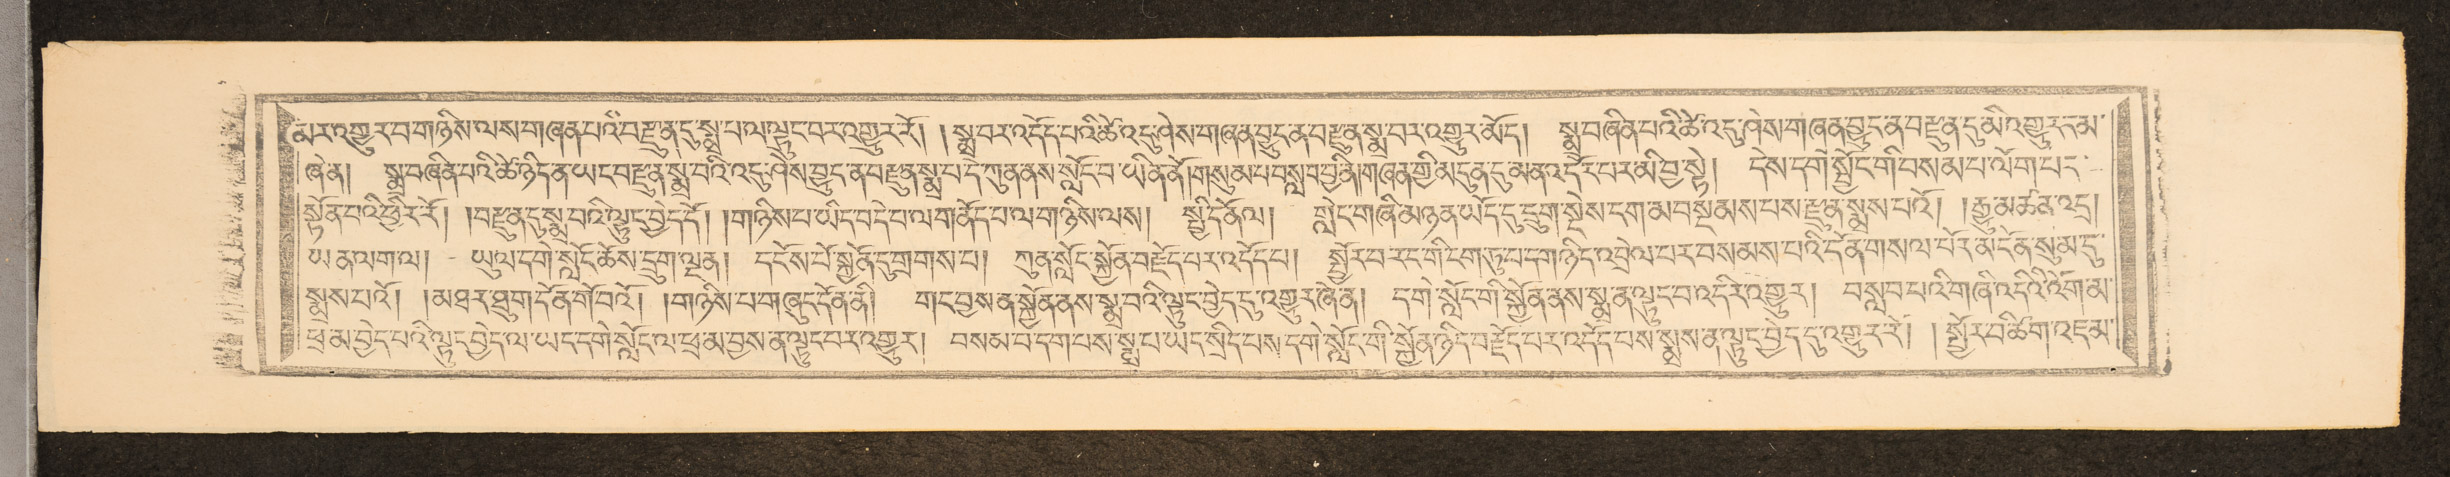མར་འགྱུར་པ་གཉིས་ལས་གཞན་པའི་བརྫུན་དུ་སྨྲ་བ་ལ་ལྟུང་བར་འགྱུར་རོ། །སྨྲ་བར་འདོད་པའི་ཚེ་འདུ་ཤེས་གཞན་བྱུང་ན་བརྫུན་སྨྲ་བར་འགྱུར་མོད། སྨྲ་བཞིན་པའི་ཚེ་འདུ་ཤེས་གཞན་བྱུང་ན་བརྫུན་དུ་མི་འགྱུར་རམ་
ཞེ་ན། སྨྲ་བཞིན་པའི་ཚེ་ཉིད་ན་ཡང་བརྫུན་སྨྲ་བའི་འདུ་ཤེས་བྱུང་ན་བརྫུན་སྨྲ་བ་དེ་ཀུན་ནས་སློང་བ་ཡིན་ནོ། གསུམ་པ་བསླབ་བྱ་ནི། གཞན་གྱི་མདུན་དུ་མནའ་དོར་བར་མི་བྱ་སྟེ། དེས་དགེ་སྦྱོང་གི་བསམ་པ་ལོག་པར་
སྟོན་པའི་ཕྱིར་རོ། །བརྫུན་དུ་སྨྲ་བའི་ལྟུང་བྱེད་དོ། །གཉིས་པ་ཡིད་བདེ་བ་ལ་གནོད་པ་ལ་གཉིས་ལས། སྤྱི་དོན་ལ། གླེད་གཞི་མཉན་ཡོད་དུ་དྲུག་སྔེས་ངག་མ་བསྡམས་པས་རྫུན་སྨྲས་པའོ། །རྒྱུ་མཚན་འདྲ།
ཡན་ལག་ལ། ཡུལ་དགེ་སློང་ཆོས་དྲུག་ལྡན། དངོས་པོ་སྐྱོན་དུ་གྲགས་པ། ཀུན་སློང་སྐྱོན་བརྗོད་པར་འདོད་པ། སྦྱོར་བ་རང་གི་ངག་ཏུ་བདག་ཉིད་འབྲེལ་བར་བསམས་པའི་དོན་གསལ་པོར་མངོན་སུམ་དུ་
སྨྲས་པའོ། །མཐར་ཐུག་དོན་གོ་བའོ། །གཉིས་པ་གཞུང་དོན་ནི། གང་བྱས་ན་སྐྱོན་ནས་སྨྲ་བའི་ལྟུང་བྱེད་དུ་འགྱུར་ཞེ་ན། དགེ་སློང་གི་སྐྱོན་ནས་སྨྲ་ན་ལྟུང་བ་འདིར་འགྱུར། བསླབ་པའི་གཞི་འདིའི་འོག་མ་
ཕྲ་མ་བྱེད་པའི་ལྟུང་བྱེད་ལ་ཡང་དགེ་སློང་ལ་ཕྲ་མ་བྱས་ན་ལྟུང་བར་འགྱུར། བསམ་པ་དག་པས་སྨྲ་བ་ཡང་སྲིད་པས་དགེ་སློང་གི་སྐྱོན་ཉིད་བརྗོད་པར་འདོད་པས་སྨྲས་ན་ལྟུང་བྱེད་དུ་འགྱུར་རོ། །སྦྱོར་བ་ཚིག་འཇམ་